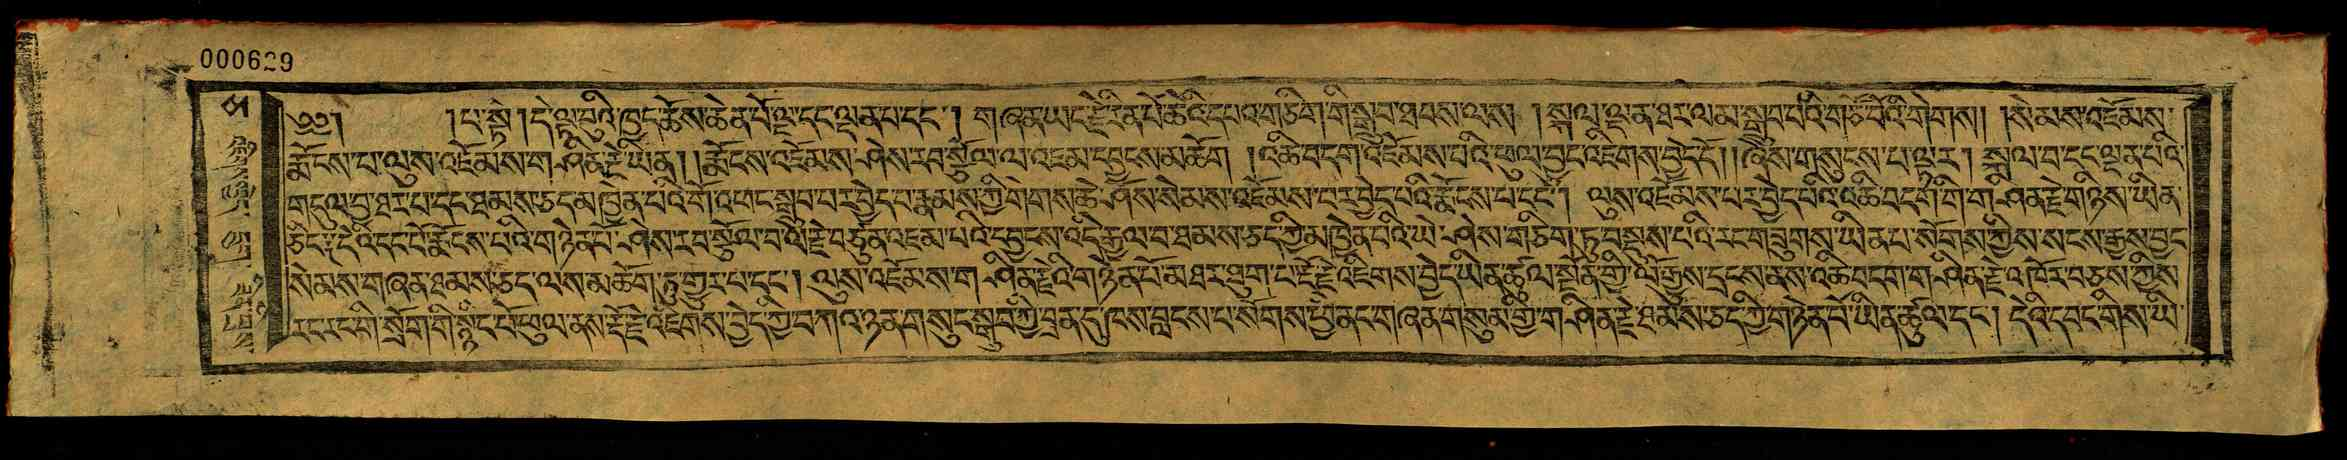༄༅། །པ་སྟེ། དེ་ལྟ་བུའི་ཁྱད་ཆོས་ཆེན་པོ་ལྔ་དང་ལྡན་པ་དང་། གཞན་ཡང་རྗེ་རིན་པོ་ཆེའི་དཔའ་གཅིག་གི་སྒྲུབ་ཐབས་ལས། སྐལ་ལྡན་ཐར་ལམ་སྒྲུབ་པའི་གཙོ་བོའི་གེགས། །སེམས་འཇོམས་
རྨོངས་པ་ལུས་འཇོམས་གཤིན་རྗེ་ཡིན། །རྨོངས་འཇོམས་ཤེས་རབ་སྩོལ་ལ་འཇམ་དབྱངས་མཆོག །འཆི་བདག་འཇོམས་པའི་ཕུལ་བྱུང་འཇིགས་བྱེད་དོ། །ཞེས་གསུངས་པ་ལྟར། སྐལ་བ་དང་ལྡན་པའི་
གདུལ་བྱ་ཐར་པ་དང་ཐམས་ཅད་མཁྱེན་པའི་གོ་འཕང་སྒྲུབ་པར་བྱེད་པ་རྣམས་ཀྱི་གེགས་ཆེ་ཤོས་སེམས་འཇོམས་པར་བྱེད་པའི་རྨོངས་པ་དང་། ལུས་འཇོམས་པར་བྱེད་པའི་འཆི་བདག་གི་གཤིན་རྗེ་གཉིས་ཡིན་
ཅིང༑ དེའི་དང་པོ་རྨོངས་པའི་གཉེན་པོ་ཤེས་རབ་སྩོལ་བ་ལ་རྗེ་བཙུན་འཇམ་པའི་དབྱངས་འདི་རྒྱལ་བ་ཐམས་ཅད་ཀྱི་མཁྱེན་པའི་ཡེ་ཤེས་གཅིག་ཏུ་བསྡུས་པའི་རང་གཟུགས་ཡིན་པ་སོགས་ཀྱིས་སངས་རྒྱས་བྱང་
སེམས་གཞན་ཐམས་ཅད་ལས་མཆོག་ཏུ་གྱུར་པ་དང་། ལུས་འཇོམས་གཤིན་རྗེའི་གཉེན་པོ་མཐར་ཐུག་པ་རྡོ་རྗེ་འཇིགས་བྱེད་ཡིན་ཚུལ་སྔོན་གྱི་ལོ་རྒྱུས་དྲངས་ནས་འཆི་བདག་གཤིན་རྗེ་འཁོར་བཅས་ཀྱིས་
རང་རང་གི་སྲོག་གི་སྙིང་པོ་ཕུལ་ནས་རྡོ་རྗེ་འཇིགས་བྱེད་ཀྱི་བཀའ་ཉན་གསུང་སྒྲུབ་ཀྱི་བྲན་དུ་ཁས་བླངས་པ་སོགས་ཕྱི་ནང་གཞན་གསུམ་གྱི་གཤིན་རྗེ་ཐམས་ཅད་ཀྱི་གཉེན་པོ་ཡིན་ཚུལ་དང་། དེའི་དབང་གིས་ཡི་